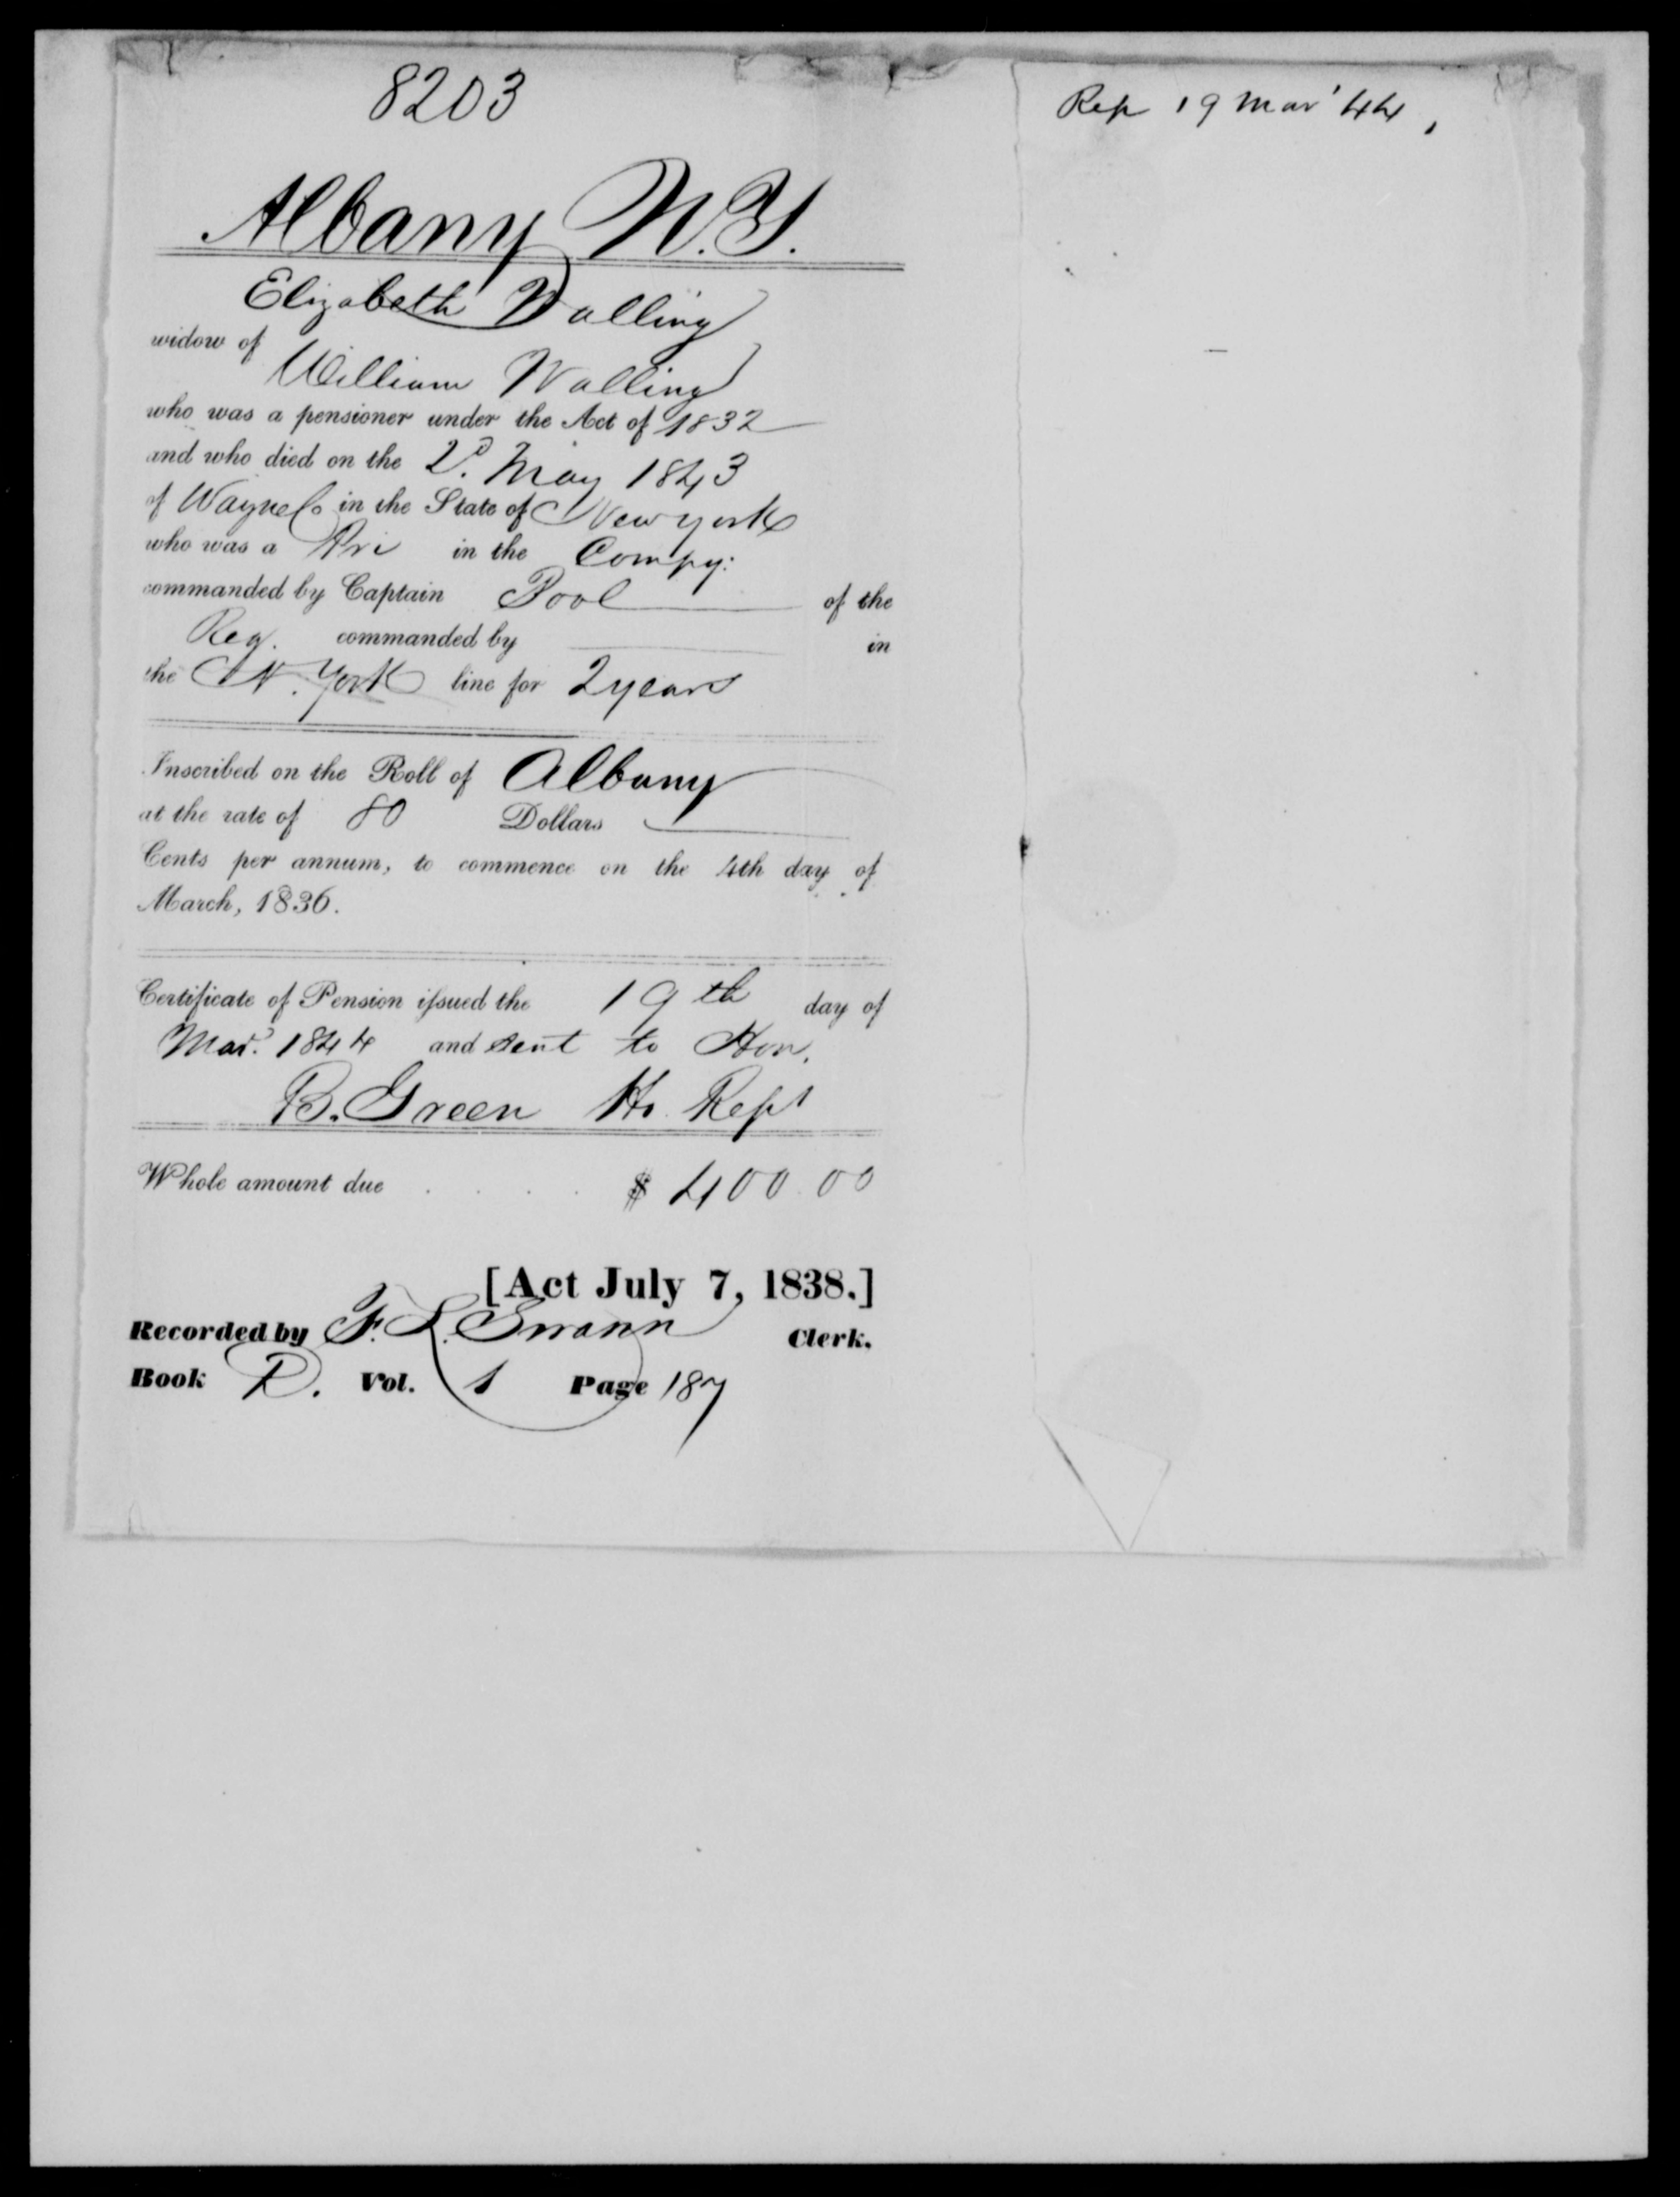8203
Albany N.Y.
Elizabeth Walling widow of William Walling who as a pensioner under the Act of 1832 and who died on the 2d May 1843 of Wayne Co in the State of New York who was a Priv in the Company commanded by Captain Pool of the Reg. commanded by ______________ in the N. York line for 2 years

Inscribed on the Roll of Albany at the rate of 80 Dollars -------- Cents per annum, to commence on the 4th day of March, 1836

Certificate of Pension issued the 19th day of Mar. 1844 and sen to Hon B. Green Ho Rep

Whole amount due $400.00
[Act July 7, 1838.]
Recorded by F.L. Swann Clerk,
Book R. Vol. 1 Page 187

Rep 19 Mar '44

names: F L Swann, Pool, Elizabeth Walling, B Green, William Walling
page: 25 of 66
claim: widow's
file: W. 19588, William Walling, New Jersey